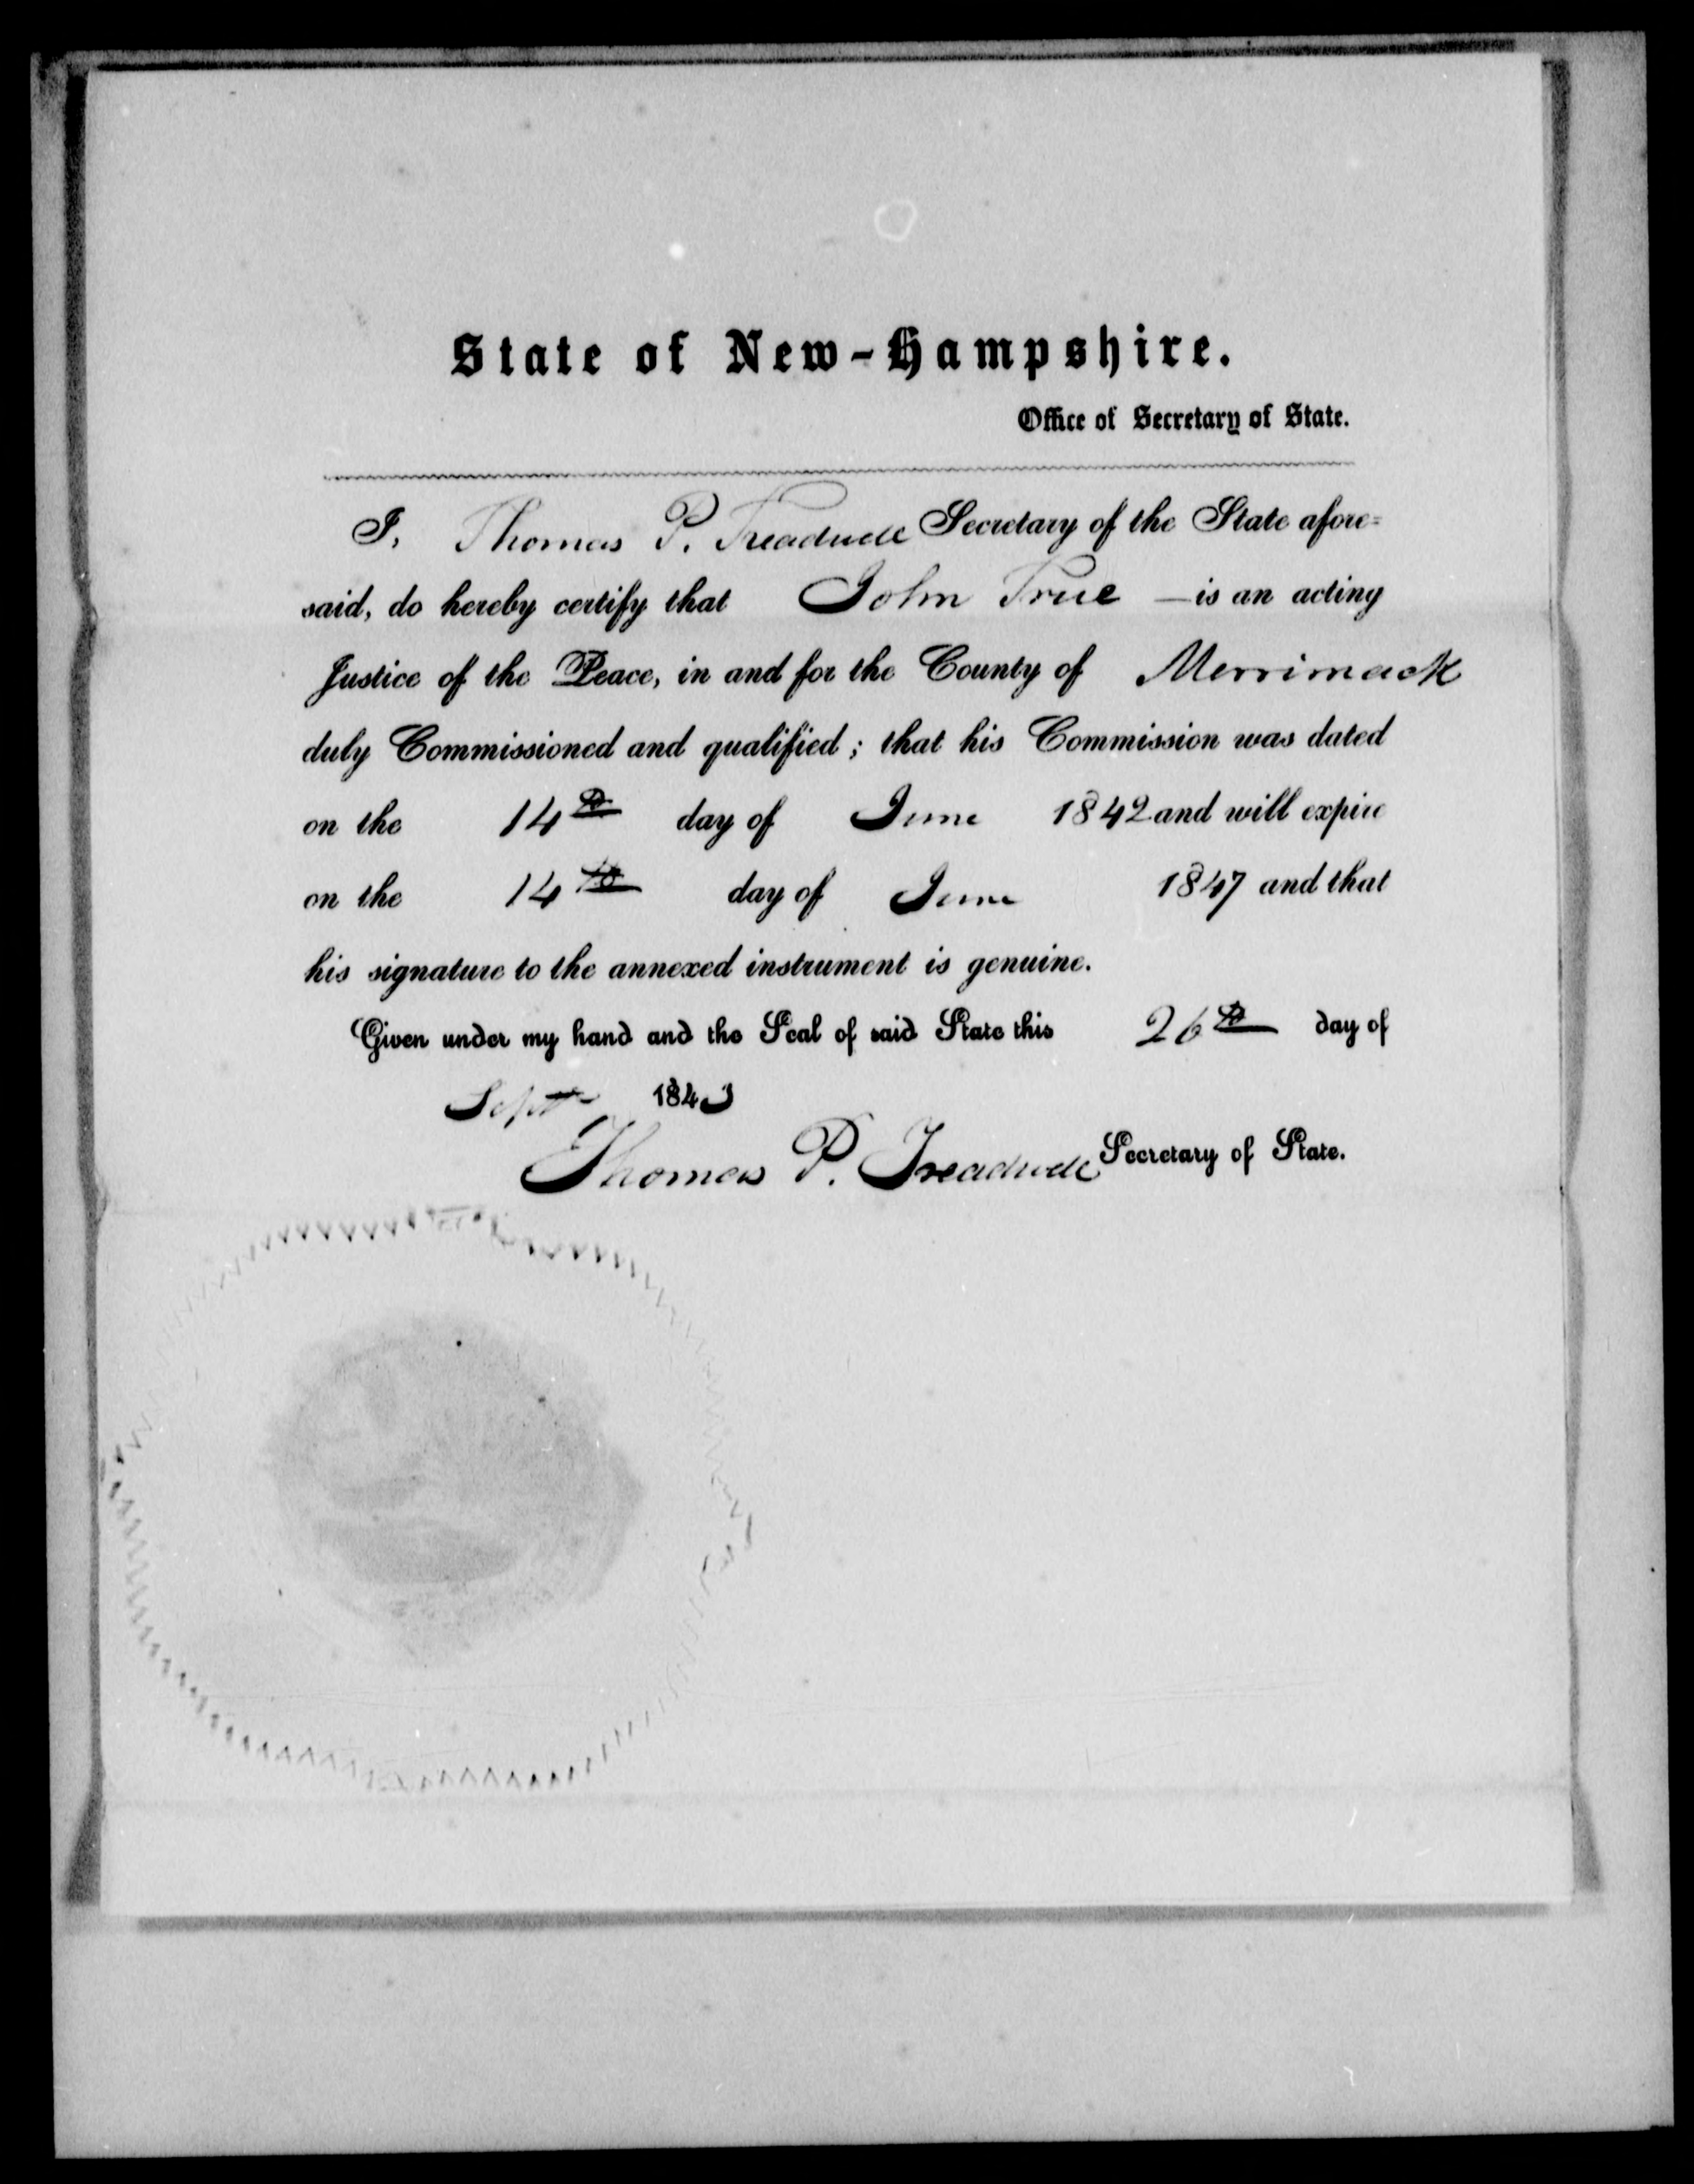State of New HHampshire office of Secretary of State

I, Thomas P. Treadwell Secreatary of the State aforesaid do hereby certify that John True is an acting Justice of the Peace ina nd for the County of Merrimack duly Commissioned and qualified ; that his Commission was dated on the 14th day of June 1942 and will expire on the 14th day of June 1947 and that his signature to the annexed instrument is genuine.
Given under my hand and the Seal of said State this 26th day of September 1843
Thomas P. Treadwell Secretary of State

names: Thomas P Treadwell, Thomas P Treadwell, John True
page: 17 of 24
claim: widow's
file: W. 16,451, Abraham True, N.H.